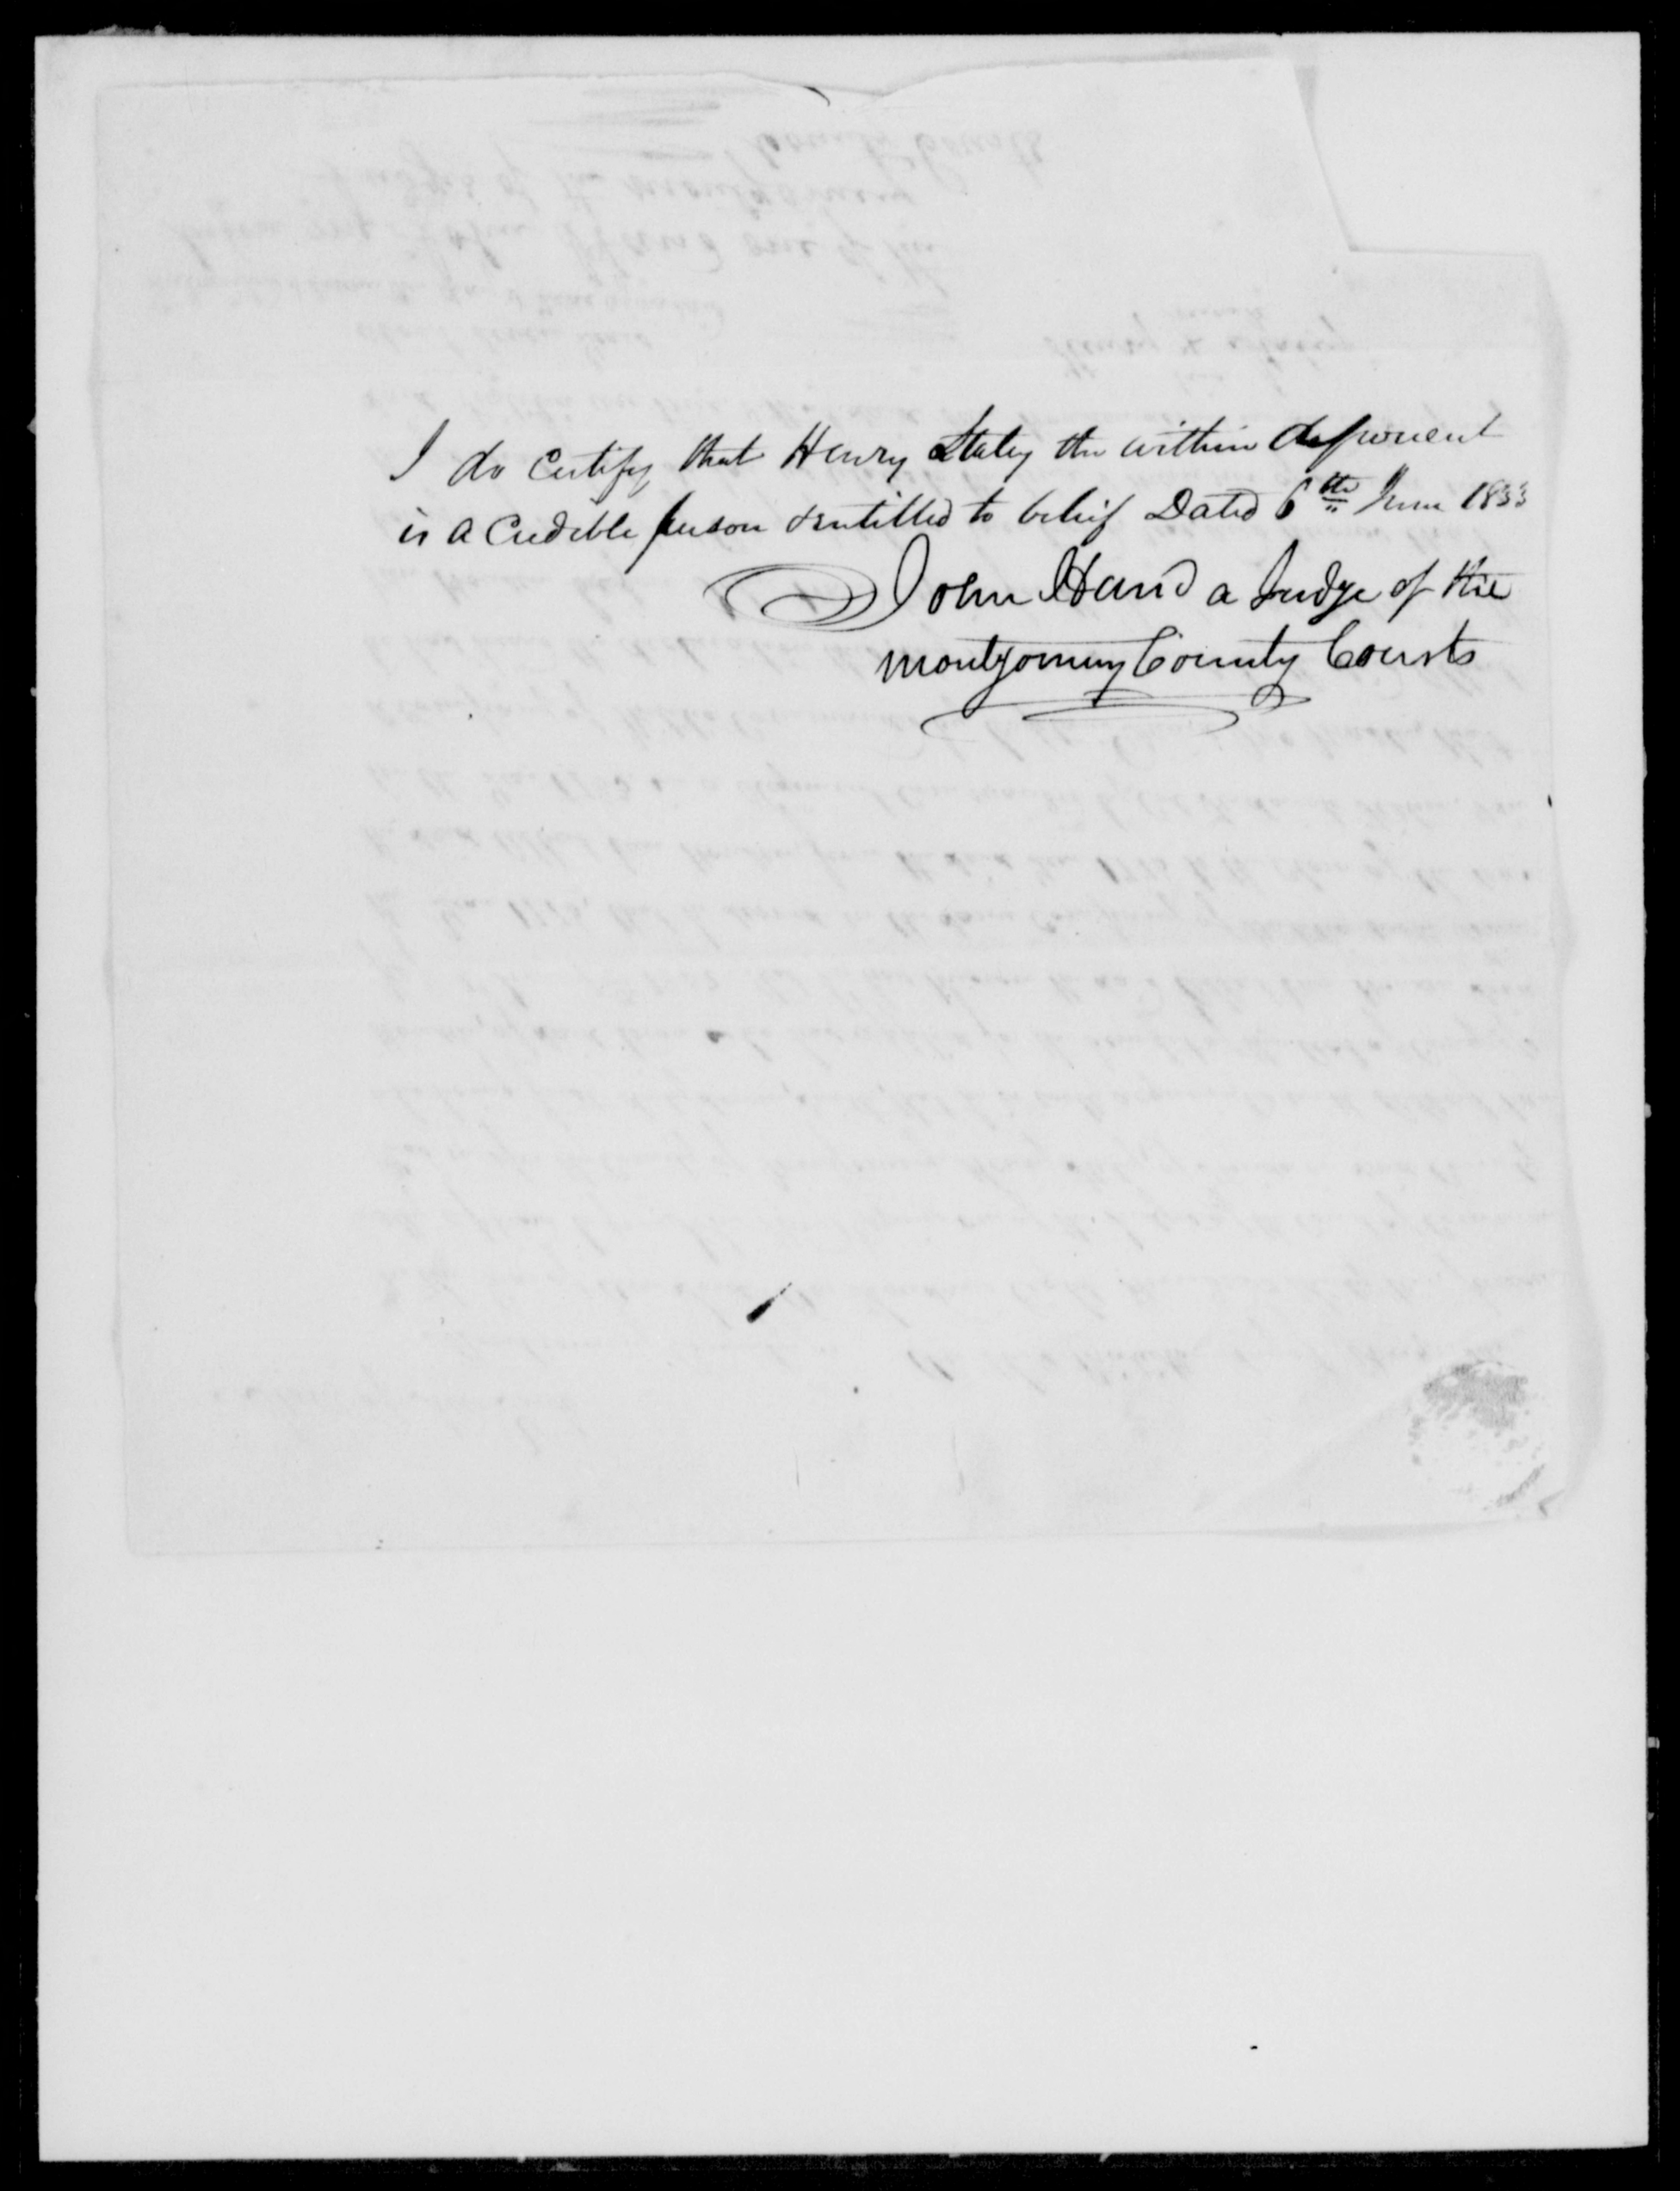I do certify that Henry Staley the within deponent is a credible person & entitled to belief Dated 6th June 1833 
[signed] John Hand a Judge of the Montgomery County Courts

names: Henry Staley, John Hand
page: 7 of 57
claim: survivor's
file: S. 28,925, Albert Van Housen, New York